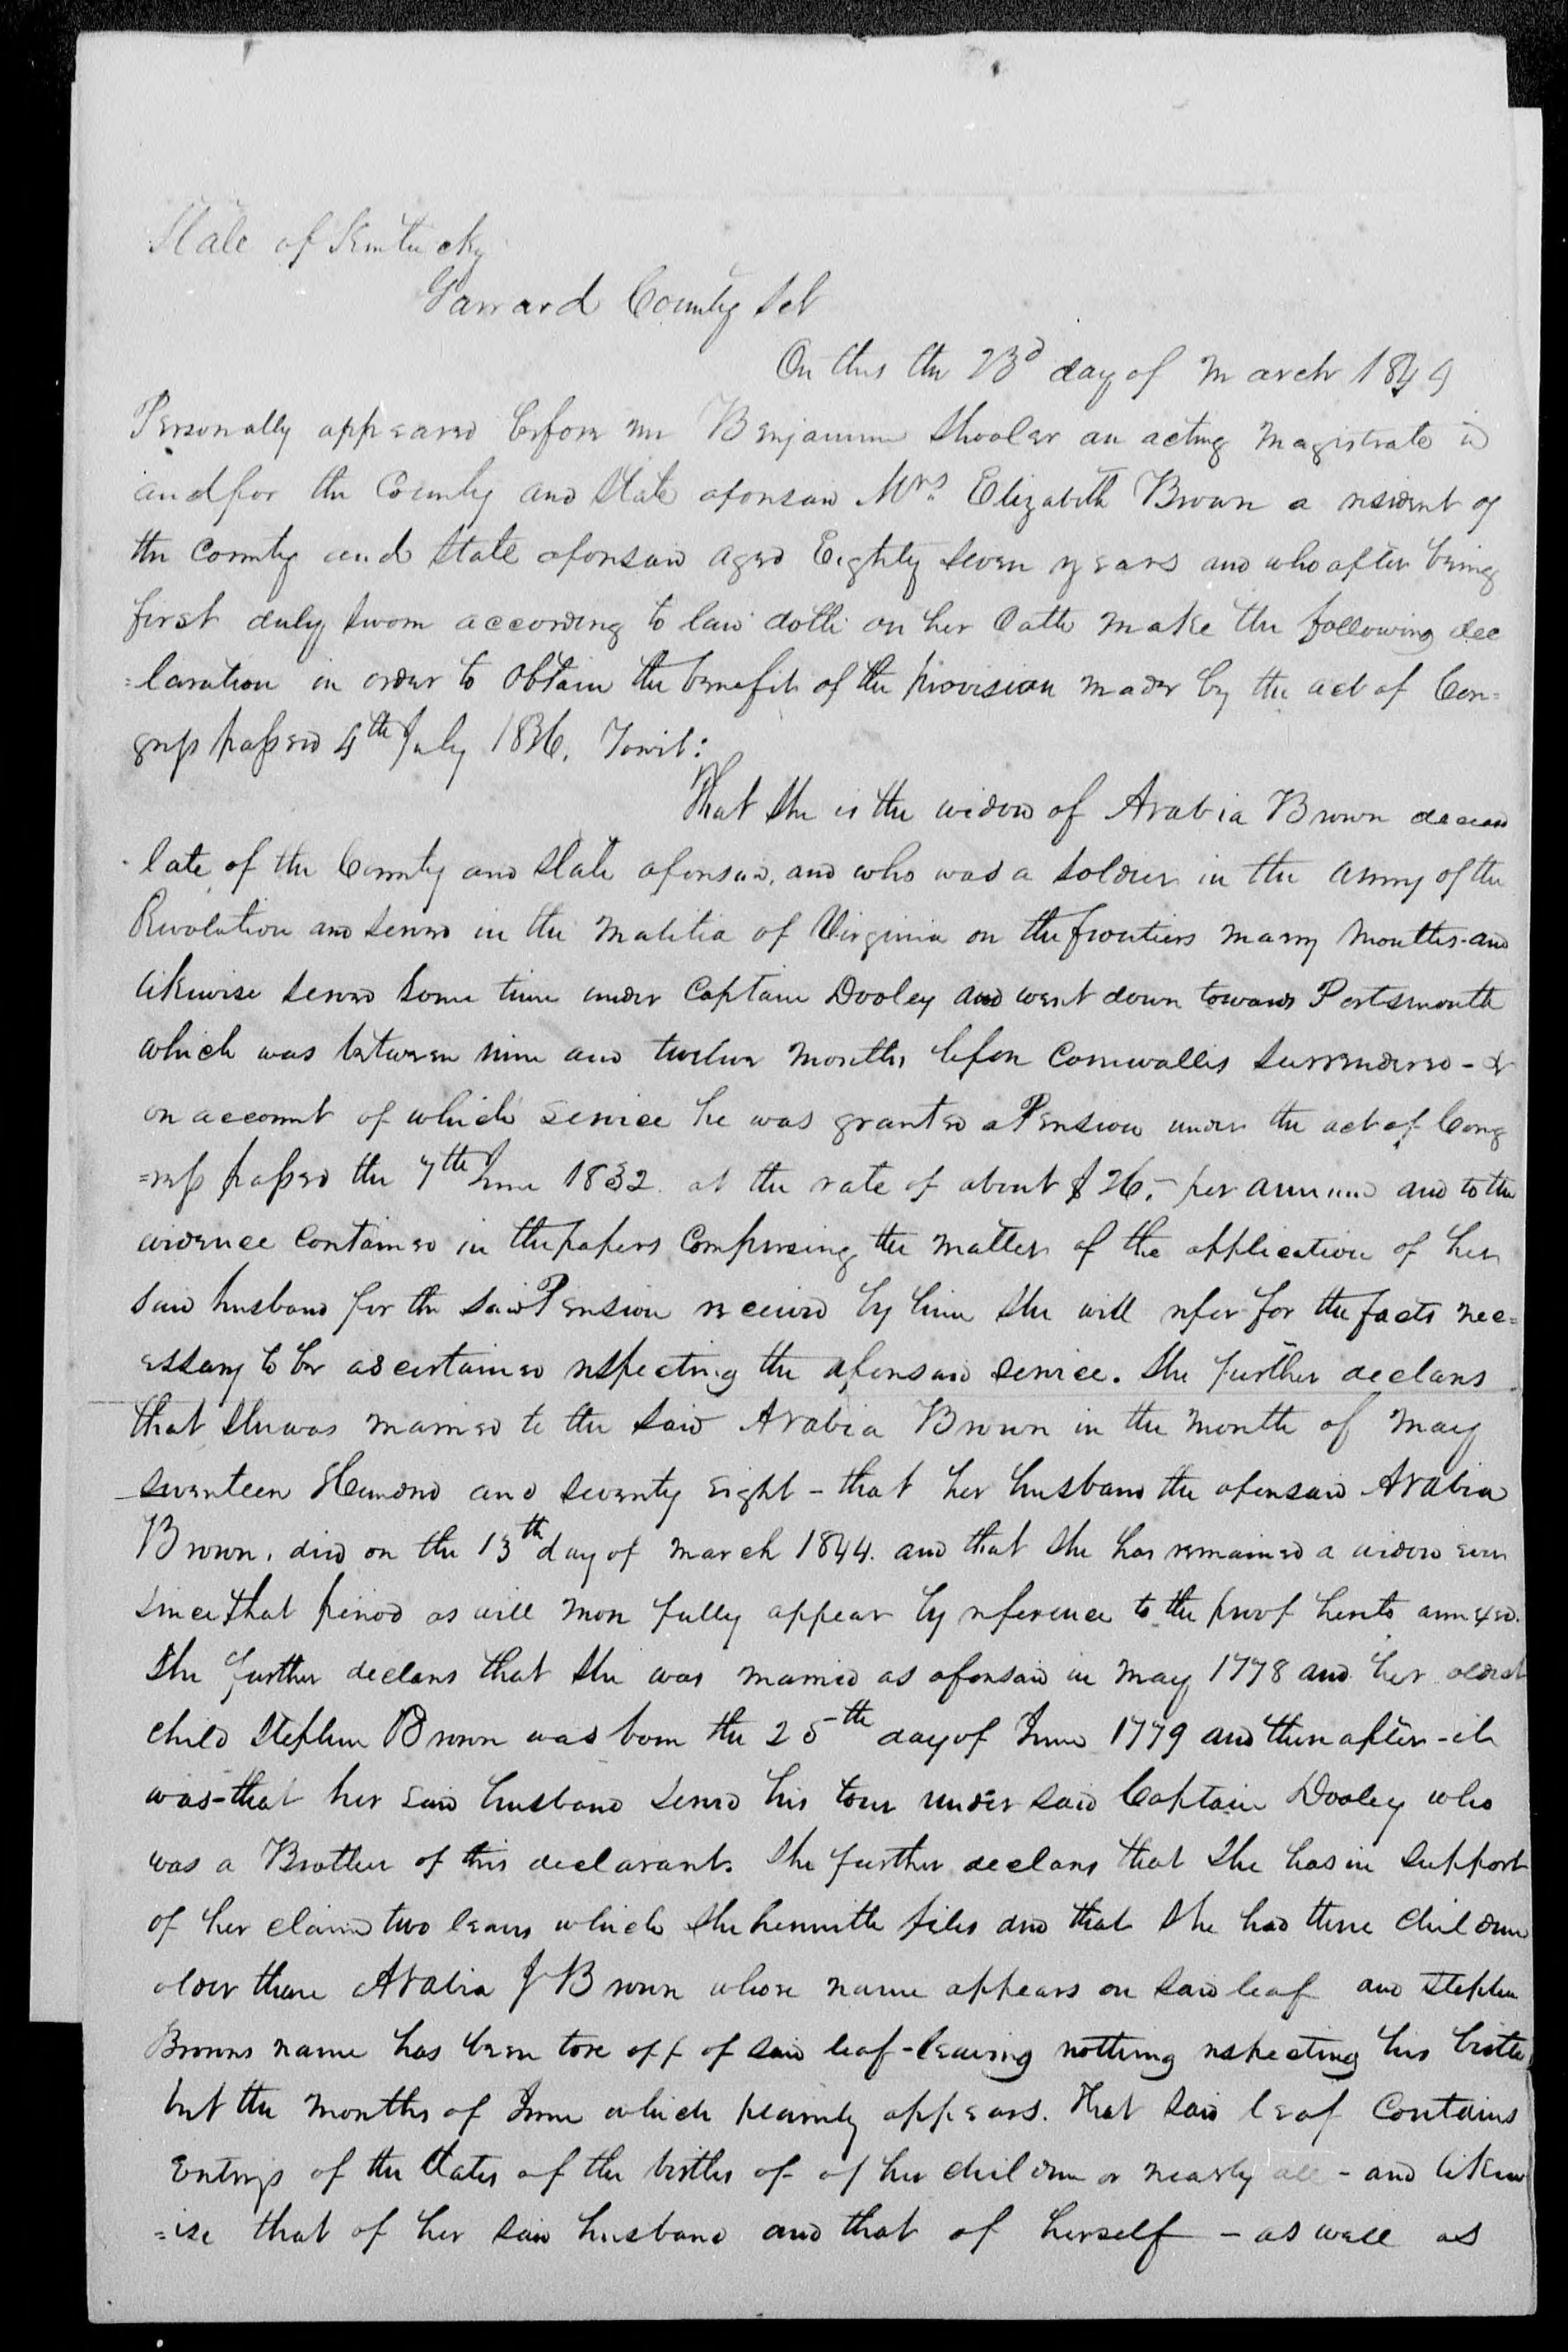State of Kentucky
Garrard County Set
On this the 23rd day of March 1849 personally appeared before me Benjamin Shoolar and acting magistrate in and for the county and state aforesaid. Mrs. Elizabeth Brown a resident of the county and state aforesaid aged eighty seven years and who after being first duly sworn according to law doth on her oath make the following declaration in order to obtain the benefit of the pensioner made by the act of Congress passed 4th July 1836. 
To wit: That she is the widow of Arabia Brown deceased late of county and state aforesaid and who was a soldier in the army of the Revolution and served in the Militia of Virginia on the frontiers many months and likewise served some time under Captain Dooley and went down toward Portsmouth which was between nine and twelve month, before Cornwallis surrender. On account of which service he was granted a pension under the act of Congress passed the 7th June 1832. At the rate of about $26. per annum and to the evidence contained in the papers comprising the matters of the affliction of her said husband for the said pension received by him she will offer for the facts necessary to be as contained respecting the sums and service. She further declares that she was married to the said Arabia Brown in the month of May seventeen hundred and seventy eight, that her husband the aforesaid Arabia Brown, died on the 13th day of March 1844. And that she has remained a widow ever since that period as will more fully appear by reference to the proof hereto [illegible] She further declares that she was married as aforesaid in May 1778 and her oldest child Stephen Brown was born the 25th day of June 1779 and then after it was that her said husband send his tour under said Captain Dooley who was a brother of this  declarant. She further declares that she has in support of her claim two years which she herewith files and that she had three children other than Arabia J Brown whose name appears on said leaf and Stephen Browns name has been tore off of said leaf-leaving nothing nepating his birth but the month of June which firmly affirms that said leaf contains entries of the later of the birth of his children or nearly all - and likewise that of her said husband and that of herself - as well as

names: Arabia Brown, Dooley, Stephen Brown, Benjamin Shooler, Stephen Brown, Arabia Brown, Elizabeth Brown, Arabia J Brown, Arabia Brown, Dooley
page: 11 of 65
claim: widow's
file: W. 8384, Arabia Brown, Va.